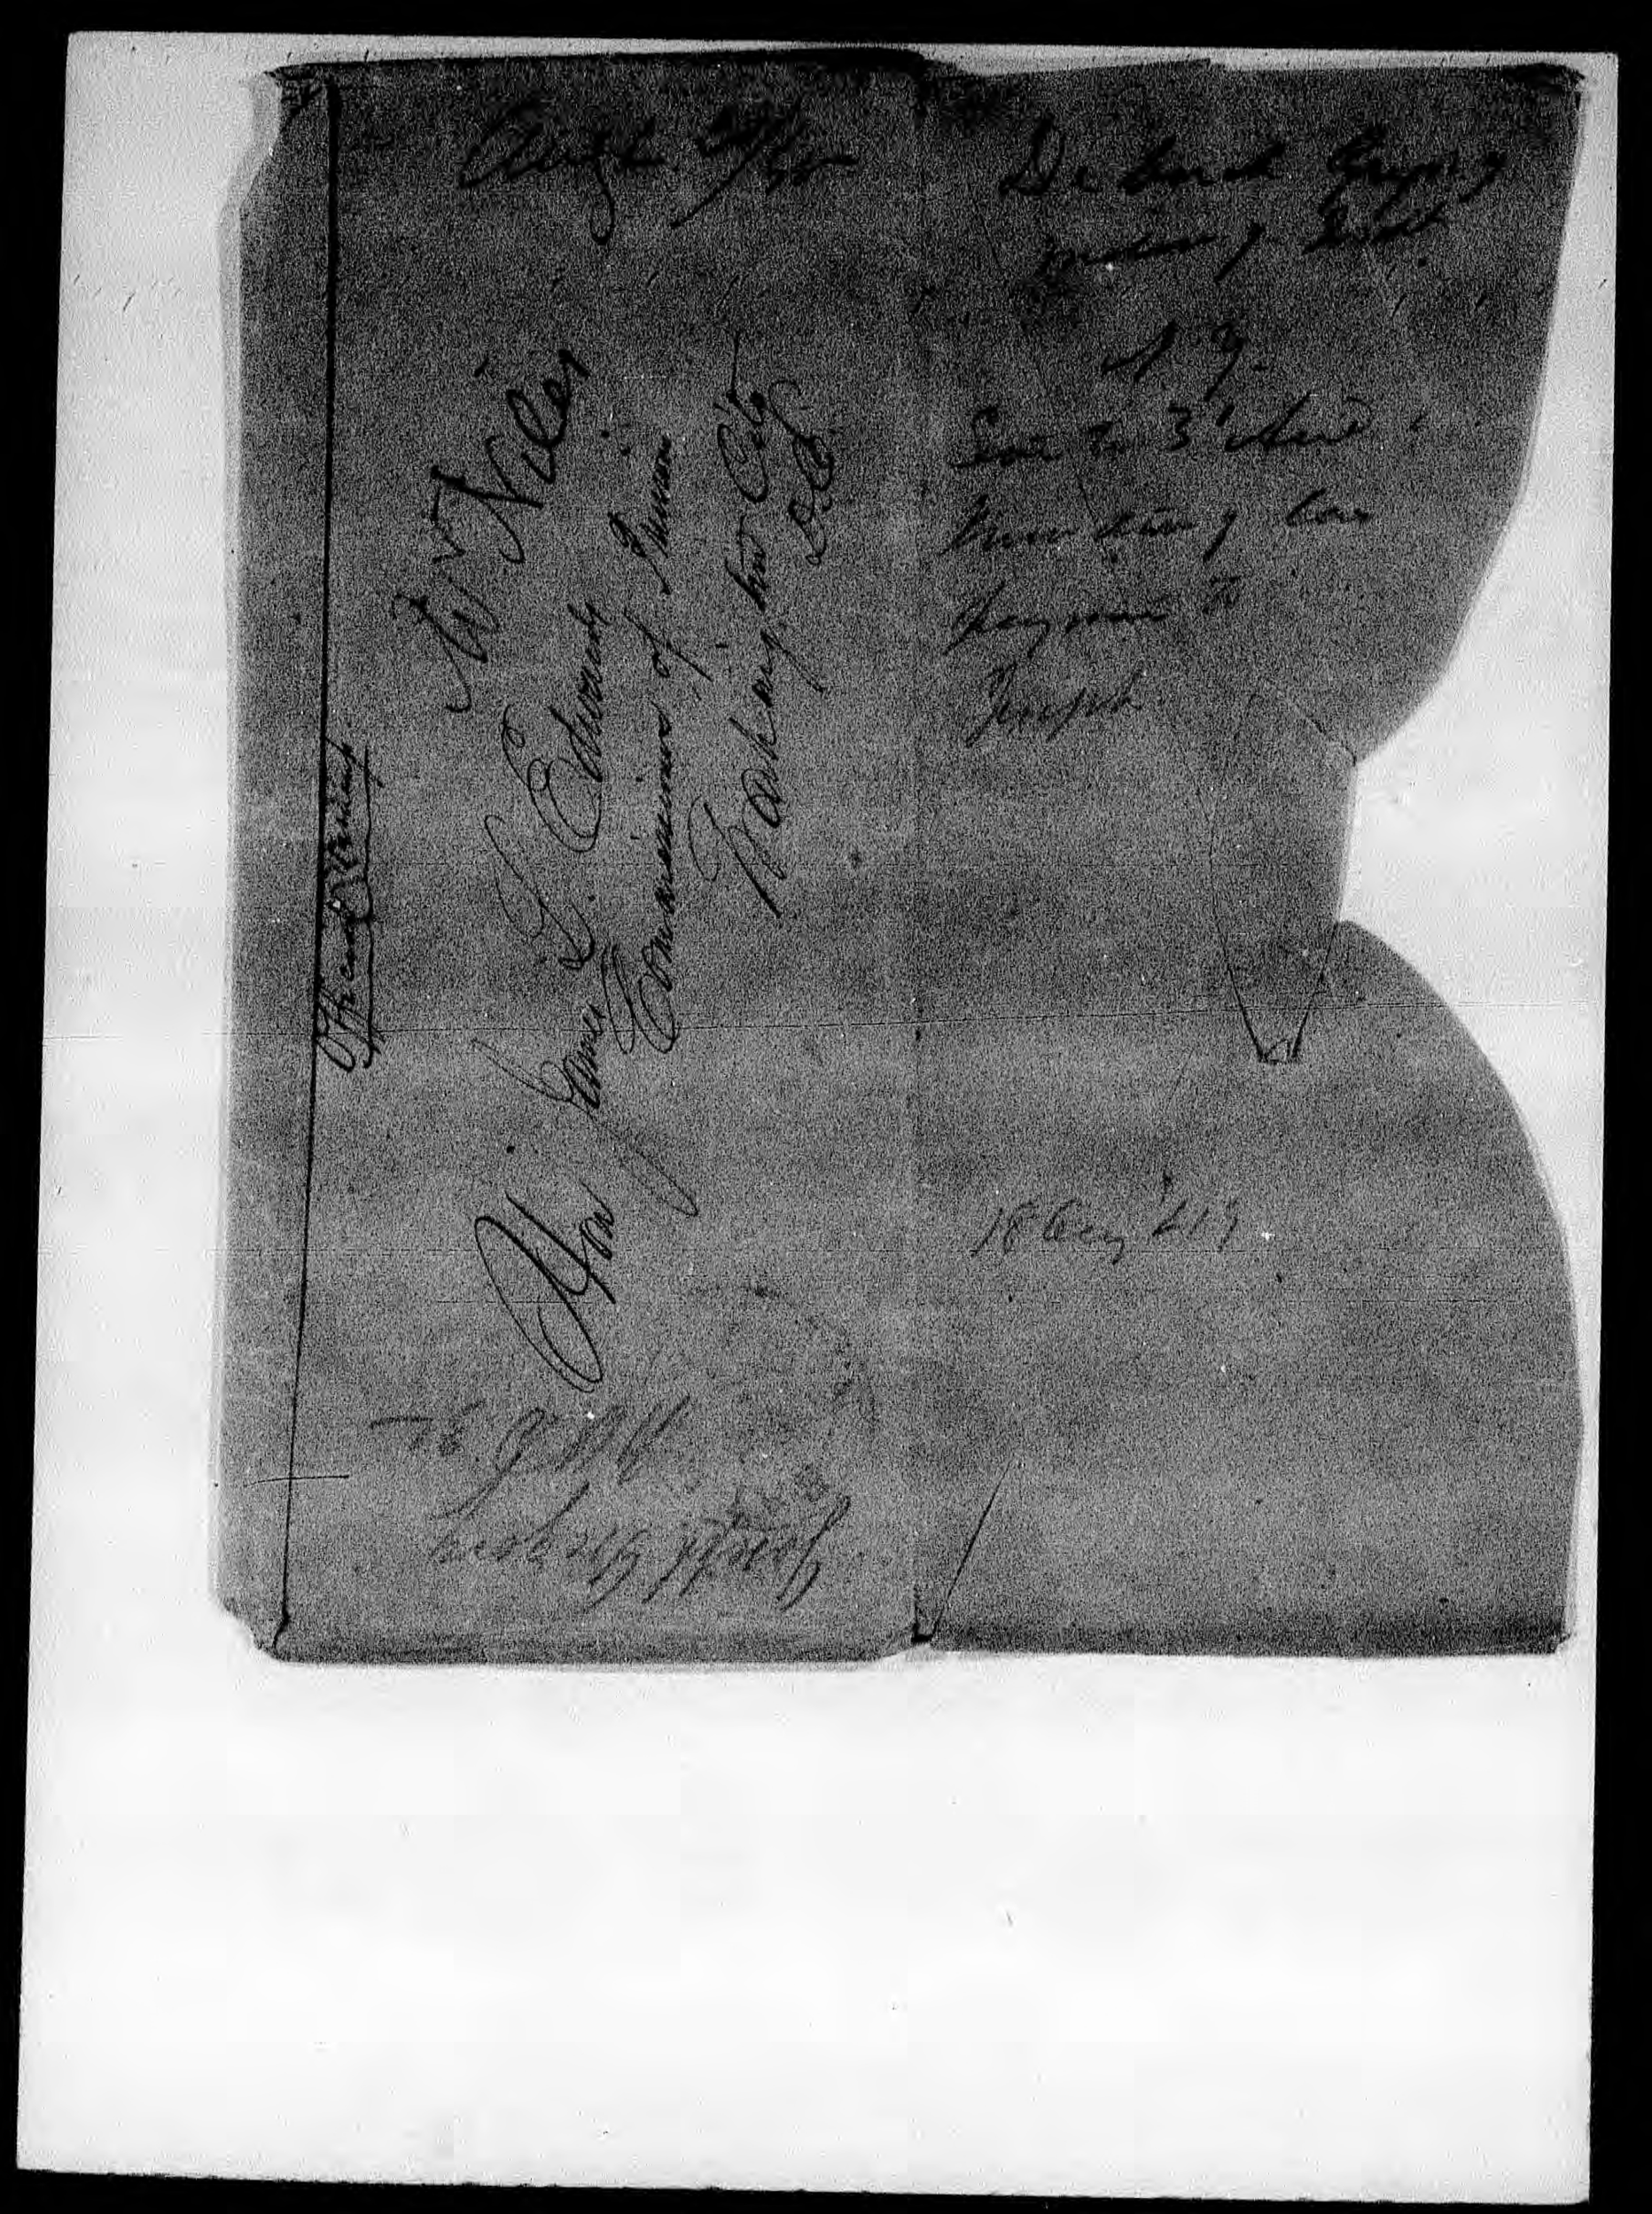[LEFT PAGE]

[first line illegible, written vertically]
                          Wm Niles
James L. Edwards
Commissioner of Pensions
Washington City.
       D.C.

[inverted, bottom of page] 
 Joseph Gregory
NY 532


[RIGHT PAGE]  
Deborah Gregory
widow of Joseph
 N.Y.
Sent to 3' Said 
lives date of last 
payment to
 Joseph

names: James L Edwards, Joseph Gregory, Deborah Gregory, Niles, Joseph Gregory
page: 15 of 34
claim: widow's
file: W. 1596, Joseph Gregory, Conn.